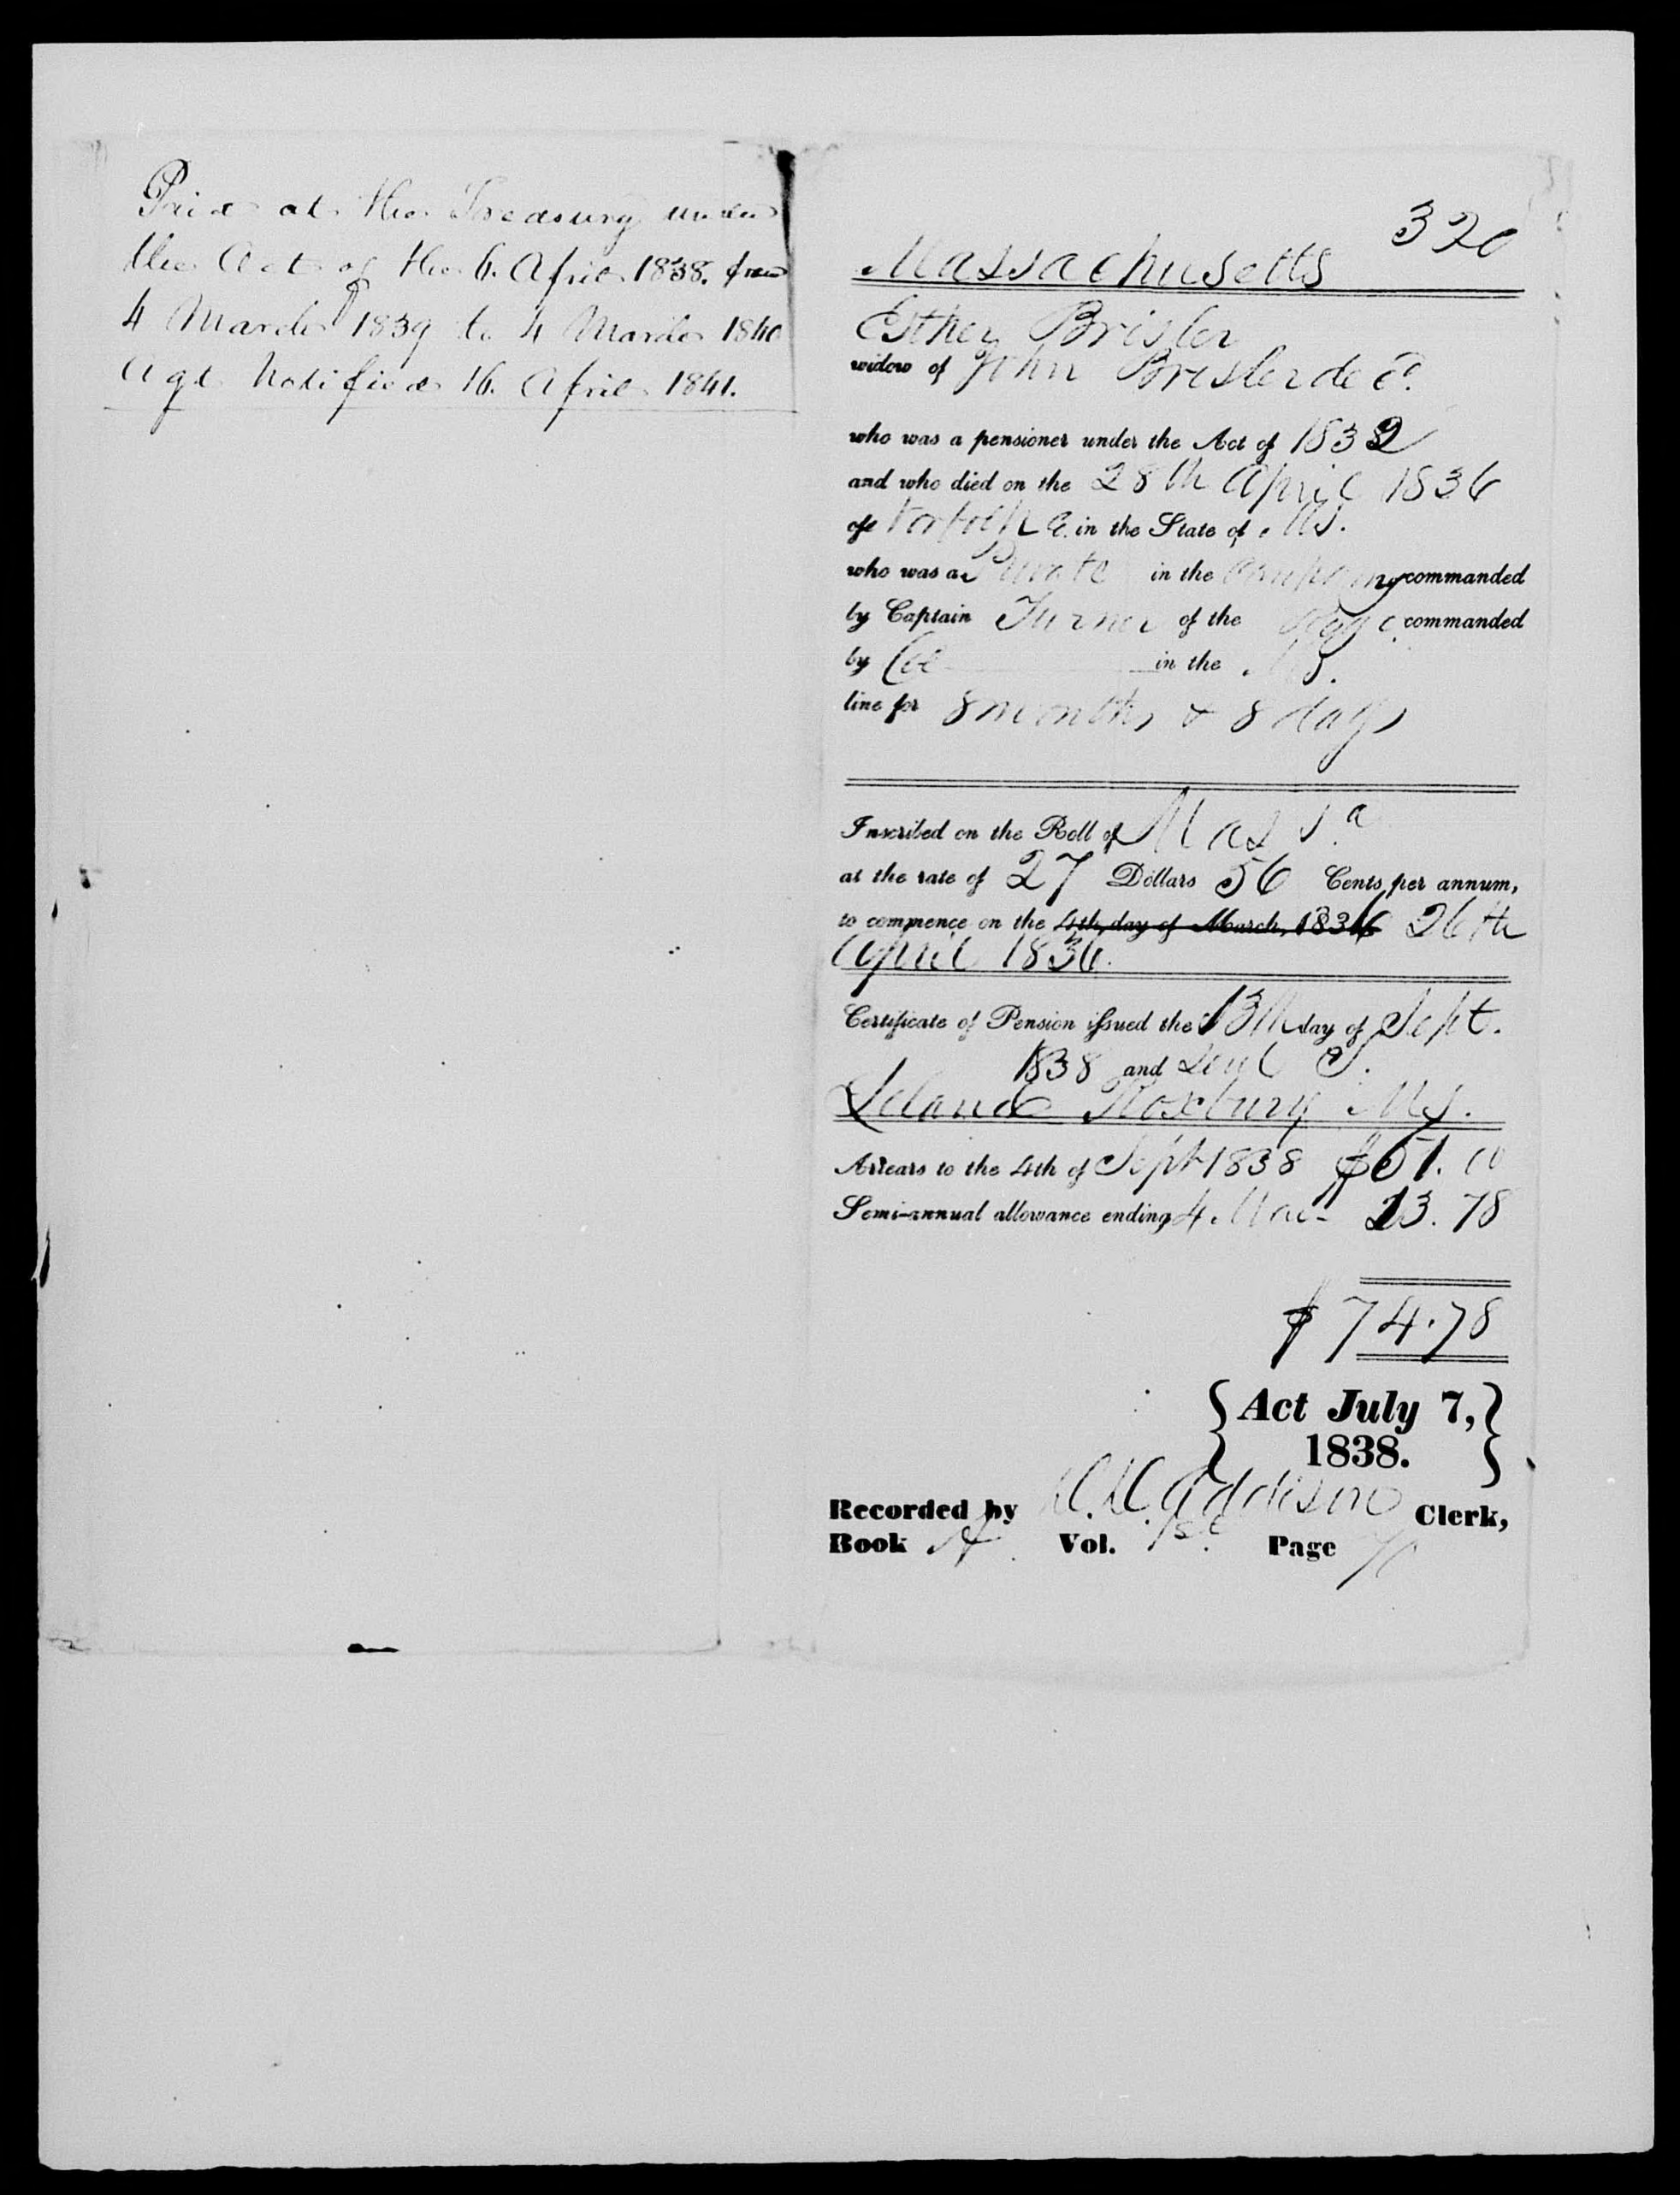Paid at the Treasury under [illegible] 4 March 1834 [ILLEGIBLE] notified  16 April 1841. 
320 Massachusetts 
Esther Brisler widow of John Brisler 
who was a pensioner under the Act of 1832 and who died on the 28th of April 1836 of [illegible] in the state of [illegible] who was a private in the [illegible] commanded by Captain Turner of the [illegible] commanded by [illegible] in the [illegible] in the [illegible] line for 8 months, & 8 days. 
Inscribed on the Roll of Massa at the rate of $ 27 Dollars 56 Cents per annum to commence on the 26th April 1836. Certificate of Pension issued the 13th day of Sept. 1838 and [illegible] Leland Roxbury Ma
Arrears to the 4th of Sept 1838 $61.00
Semi-annual allowance ending 4 March 13.78
 $74.78 {Act July 7, 1838} Recorded by: [illegible] Clerk, Book A Vol 1st Page 10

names: S Leland, Esther Brisler, Turner, John Brisler, D D Addison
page: 21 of 46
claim: widow's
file: W. 23,673, John Brisler, Mass.